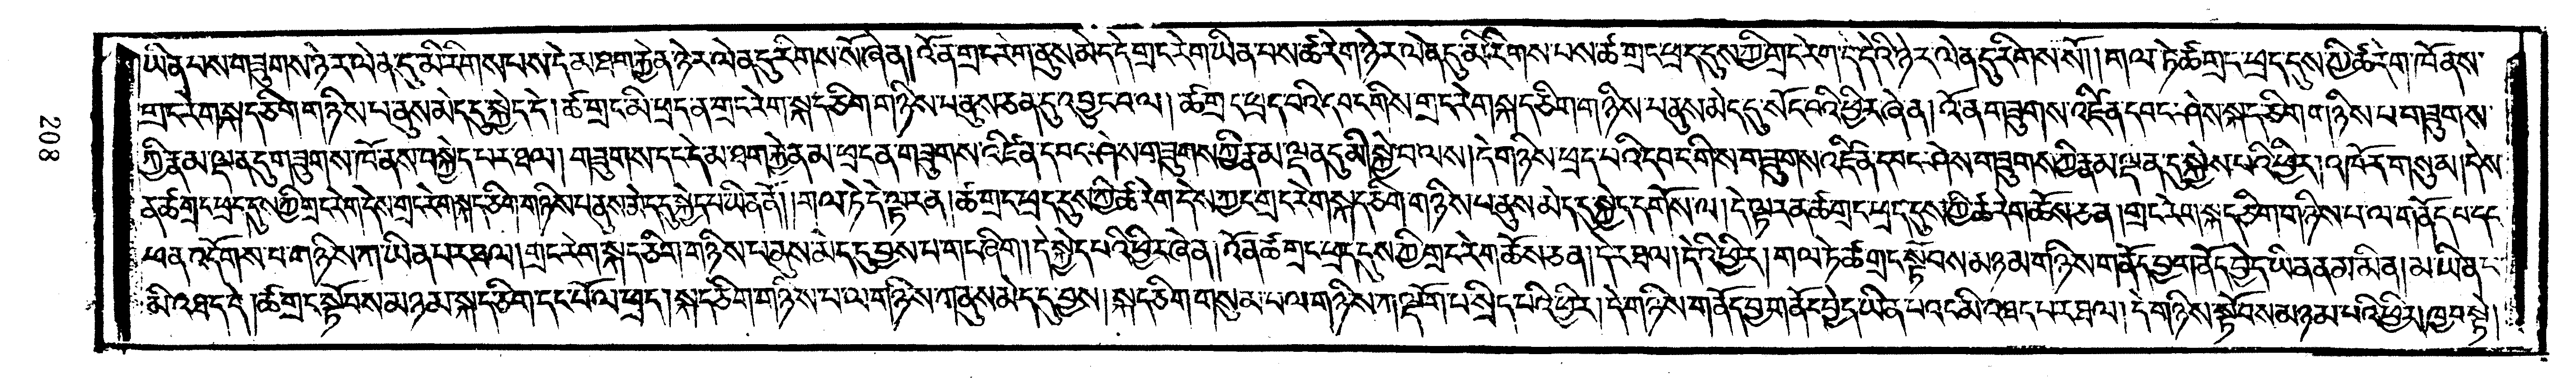ཡིན་པས་གཟུགས་ཉེར་ལེན་དུ་མི་རིགས་པས་དེ་མ་ཐག་རྐྱེན་ཉེར་ལེན་དུ་རིགས་སོ་ཞེ་ན། འོ་ན་གྲང་རེག་ནུས་མེད་དེ་གྲང་རེག་ཡིན་པས་ཚ་རེག་ཉེར་ལེན་དུ་མི་རིགས་པས་ཚ་གྲང་ཕྲད་དུས་ཀྱི་གྲང་རེག་དེ་དེའི་ཉེར་ལེན་དུ་རིགས་སོ། །གལ་ཏེ་ཚ་གྲང་ཕྲད་དུས་ཀྱི་ཚ་རེག་ཁོ་ནས་
གྲང་རེག་སྐད་ཅིག་གཉིས་པ་ནུས་མེད་དུ་སྐྱེད་དེ། ཚ་གྲང་མི་ཕྲད་ན་གྲང་རེག་སྐད་ཅིག་གཉིས་པ་ནུས་ཅན་དུ་འབྱུང་བ་ལ། ཚ་གྲང་ཕྲད་པའི་དབང་གིས་གྲང་རེག་སྐད་ཅིག་གཉིས་པ་ནུས་མེད་དུ་སོང་བའི་ཕྱིར་ཞེ་ན། འོ་ན་གཟུགས་འཛིན་དབང་ཤེས་སྐད་ཅིག་གཉིས་པ་གཟུགས་
ཀྱི་རྣམ་ལྡན་དུ་གཟུགས་ཁོ་ནས་བསྐྱེད་པར་ཐལ། གཟུགས་དང་དེ་མ་ཐག་རྐྱེན་མ་ཕྲད་ན་གཟུགས་འཛིན་དབང་ཤེས་གཟུགས་ཀྱི་རྣམ་ལྡན་དུ་མི་སྐྱེ་བ་ལས། དེ་གཉིས་ཕྲད་པའི་དབང་གིས་གཟུགས་འཛིན་དབང་ཤེས་གཟུགས་ཀྱི་རྣམ་ལྡན་དུ་སྐྱེས་པའི་ཕྱིར། འཁོར་གསུམ། དེས་
ན་ཚ་གྲང་ཕྲད་དུས་ཀྱི་གྲང་རེག་དེས་གྲང་རེག་སྐད་ཅིག་གཉིས་པ་ནུས་མེད་དུ་སྐྱེད་པ་ཡིན་ནོ། །གལ་ཏེ་དེ་ལྟར་ན། ཚ་གྲང་ཕྲད་དུས་ཀྱི་ཚ་རེག་དེས་ཀྱང་གྲང་རེག་སྐད་ཅིག་གཉིས་པ་ནུས་མེད་དུ་སྐྱེད་དགོས་ལ། དེ་ལྟར་ན་ཚ་གྲང་ཕྲད་དུས་ཀྱི་ཚ་རེག་ཆོས་ཅན། གྲང་རེག་སྐད་ཅིག་གཉིས་པ་ལ་གནོད་པ་དང་
ཕན་འདོགས་པ་གཉིས་ཀ་ཡིན་པར་ཐལ། གྲང་རེག་སྐད་ཅིག་གཉིས་པ་ནུས་མེད་དུ་བྱས་པ་གང་ཞིག །དེ་སྐྱེད་པའི་ཕྱིར་ཞེ་ན། འོ་ན་ཚ་གྲང་ཕྲད་དུས་ཀྱི་གྲང་རེག་ཆོས་ཅན། དེར་ཐལ། དེའི་ཕྱིར། གལ་ཏེ་ཚ་གྲང་སྟོབས་མཉམ་གཉིས་གནོད་བྱ་གནོད་བྱེད་ཡིན་ནམ་མིན། མ་ཡིན་པ་
མི་འཐད་དེ། ཚ་གྲང་སྟོབས་མཉམ་སྐད་ཅིག་དང་པོ་ལ་ཕྲད། སྐད་ཅིག་གཉིས་པ་ལ་གཉིས་ཀ་ནུས་མེད་དུ་བྱས། སྐད་ཅིག་གསུམ་པ་ལ་གཉིས་ཀ་ལྡོག་པ་སྲིད་པའི་ཕྱིར། དེ་གཉིས་གནོད་བྱ་གནོད་བྱེད་ཡིན་པའང་མི་འཐད་པར་ཐལ། དེ་གཉིས་སྟོབས་མཉམ་པའི་ཕྱིར། ཁྱབ་སྟེ།